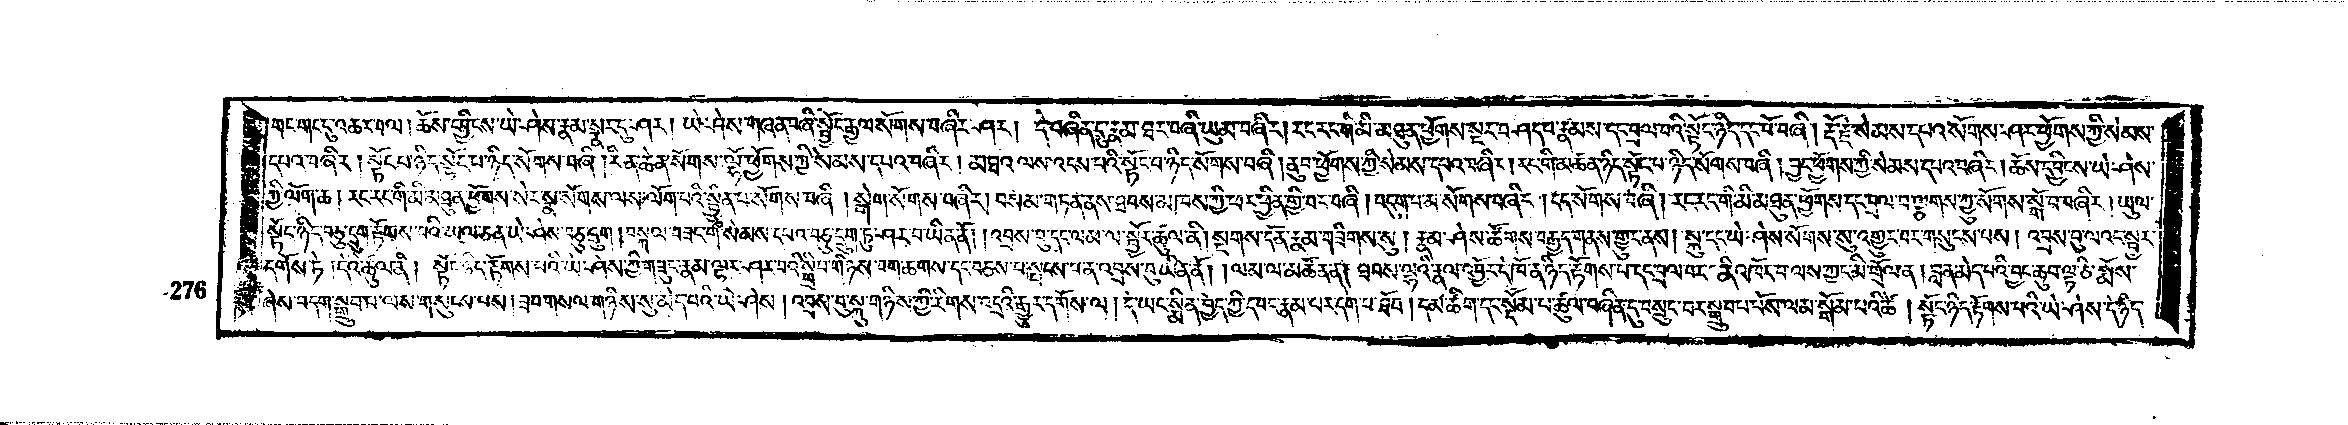གང་གང་དུ་འཆར་བ་ལ། ཆོས་དབྱིངས་ཡེ་ཤེས་རྣམ་སྣར་དུ་ཤར། ཡེ་ཤེས་གཞན་བཞི་སྦྱོང་རྒྱལ་སོགས་བཞིར་ཤར། དེ་བཞིན་དུ་རྣམ་ཐར་བཞི་ཡུམ་བཞིར། རང་རང་གི་མི་མཐུན་ཕྱོགས་སྔར་བཤད་པ་རྣམས་དང་བྲལ་བའི་སྟོང་ཉིད་དང་པོ་བཞི། རྡོ་རྗེ་སེམས་དཔའ་སོགས་ཤར་ཕྱོགས་ཀྱི་སེམས་
དཔའ་བཞིར། སྟོང་པ་ཉིད་སྟོང་པ་ཉིད་སོགས་བཞི། རིན་ཆེན་སོགས་ལྷོ་ཕྱོགས་ཀྱི་སེམས་དཔའ་བཞིར། མཐའ་ལས་འདས་པའི་སྟོང་པ་ཉིད་སོགས་བཞི། ནུབ་ཕྱོགས་ཀྱི་སེམས་དཔའ་བཞིར། རང་གི་མཚན་ཉིད་སྟོང་པ་ཉིད་སོགས་བཞི། བྱང་ཕྱོགས་ཀྱི་སེམས་དཔའ་བཞིར། ཆོས་དབྱིངས་ཡེ་ཤེས་
ཀྱི་ལོག་ཆ། རང་རང་གི་མི་མཐུན་ཕྱོགས་སེར་སྣ་སོགས་ལས་ལོག་པའི་སྦྱིན་པ་སོགས་བཞི། སྒེག་སོགས་བཞིར། བསམ་གཏན་ནས་ཐབས་མཁས་ཀྱི་ཕར་ཕྱིན་གྱི་བར་བཞི། བདུག་པ་མ་སོགས་བཞིར། དད་སོགས་བཞི། རང་རང་གི་མི་མཐུན་ཕྱོགས་དང་བ་ལྕགས་ཀྱུ་སོགས་སྒོ་བ་བཞིར། ཡུལ་
སྟོང་ཉིད་བཅུ་དྲུག་སྟོང་པའི་ཡུལ་ཅན་ཡེ་ཤེས་བཅུ་དྲུག། བསྐལ་བཟང་གི་སེམས་དཔའ་བཅུ་དྲུག་ཏུ་ཤར་བ་ཡིན་ནོ། །འབྲས་བུ་དང་ལམ་ལ་སྦྱོར་ཚུལ་ནི། སྔགས་དོན་རྣམ་གཞིགས་སུ། རྣམ་ཤེས་ཚོགས་བརྒྱད་གནས་གྱུར་ནས། སྐུ་དང་ཡེ་ཤེས་སོགས་སུ་འགྱུར་བར་གསུངས་པས། འབྲས་སུ་ལའང་སྦྱར་
དགོས་ཏེ། དེའི་ཚུལ་ནི། སྟོང་ཉིད་རྟོགས་པའི་ཡེ་ཤེས་ཀྱི་གཟུང་རྣམ་ལྷར་ཤར་བའི་སྒྲིབ་གཉིས་བབ་ཆགས་དང་བཅས་པ་སྤངས་པ་ན་འབྲས་བུ་ཡིན་ནོ། །ལམ་ལ་མཚོན་ན། ཐབས་ལྷའི་རྣལ་འབྱོར་དེ་ཁོ་ན་ཉིད་རྟོགས་པ་དང་བྲལ་བར་ནི་འཁོར་བ་ལས་ཀྱང་མི་གྲོལ་ན། བླ་མ་མེད་པའི་བྱང་ཆུབ་ལྷ་ཅི་སྨོས་
ཞེས་བདག་སྒྲུབ་པ་ལས་གསུངས་པས། ཟབ་གསལ་གཉིས་སུ་མེད་པའི་ཡེ་ཤེས། འབྲས་བུ་སྐུ་གཉིས་ཀྱི་རིགས་འདྲའི་རྒྱུར་དགོས་ལ། དེ་ཡང་སྨིན་བྱེད་ཀྱི་དབང་རྣམ་པར་དག་པ་ཐོབ། དམ་ཚིག་དང་སྡོམ་པ་ཚུལ་བཞིན་དུ་བསྲུང་བར་སྒྲུབ་པ་པོས་ལམ་སྒོམ་པའི་ཚེ། སྟོང་ཉིད་རྟོགས་པའི་ཡེ་ཤེས་དེ་ཉིད་